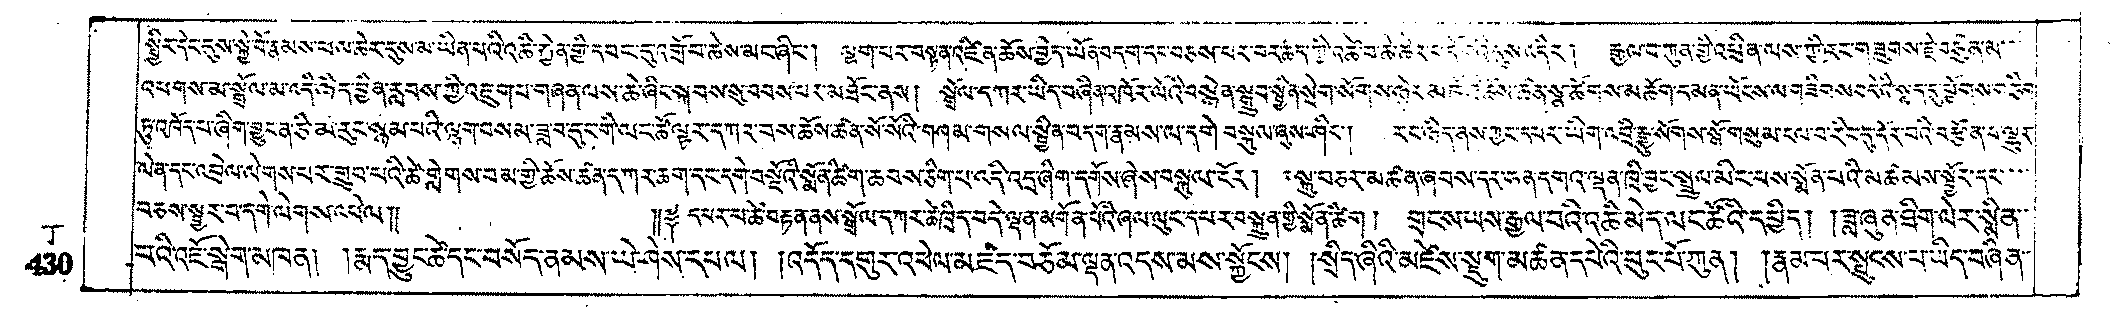སྤྱིར་དེང་དུས་སྐྱེ་བོ་རྣམས་ཕལ་ཆེར་དུས་མ་ཡིན་པའི་འཆི་རྐྱེན་གྱི་དབང་དུ་འགྲོ་བ་ཆེས་མང་ཞིང་། ལྷག་པར་བསྟན་འཛིན་ཆོས་བྱེད་ཡོན་བདག་དང་བཅས་པར་བར་ཆད་ཀྱི་འཚེ་བ་ཆེ་ཆེར་བདོ་བའི་དུས་འདིར། །རྒྱལ་བ་ཀུན་གྱི་འཕྲིན་ལས་ཀྱི་རང་གཟུགས་རྗེ་བཙུན་མ་་་
འཕགས་མ་སྒྲོལ་མ་འདི་ཉིད་བྱིན་རླབས་ཀྱི་འཇུག་པ་གཞན་ལས་ཆེ་ཞིང་སྐབས་སུ་བབས་པར་མཐོང་ནས། སྒྲོལ་དཀར་ཡིད་བཞིན་འཁོར་ལོའི་བསྙེན་སྒྲུབ་སྦྱིན་སྲེག་སོགས་ཉེར་མཁོའི་ཆོས་ཚན་སྣ་ཚོགས་མཆོག་དམན་ཡོངས་ལ་གཟིགས་བདེའི་སླད་དུ་ཕྱོགས་གཅིག་
ཏུ་འཁོད་པ་ཞིག་བྱུང་ན་ཅི་མ་རུང་སྙམ་པའི་ལྷག་བསམ་ཟླ་བ་དུང་གི་ལང་ཚོ་ལྟར་དཀར་བས་ཆོས་ཚན་སོ་སོའི་གཤམ་གསལ་སྦྱིན་བདག་རྣམས་ལ་དགེ་བསྐུལ་ཞུས་ཤིང་། རང་ཉིད་ནས་ཀྱང་དཔར་ཡིད་འབྲི་རྒྱུ་སོགས་སོ་གསུམ་ངལ་བ་རིང་དུ་དོར་བའི་བརྩོན་པ་ལྷུར་
ལེན་དང་འབྲེལ་ལེགས་པར་གྲུབ་པའི་ཚེ་གླེགས་བམ་གྱི་ཆོས་ཚན་དཀར་ཆག་དང་དགེ་བསྔོའི་སྨོན་ཚིག་ཆབས་ཅིག་པ་འདི་འདྲ་ཞིག་དགོས་ཞེས་བསྐུལ་ངོར། ༧སྐུ་བཅར་མཚན་ཞབས་དར་ཧན་དགའ་ལྡན་ཁྲི་བྱང་སྤྲུལ་མིང་པས་སྨོན་པའི་མཚམས་སྦྱོར་དང་་་
བཅས་སྦྱར་བ་དགེ་ལེགས་འཕེལ།། །།འ་དཔར་པ་ཚེ་བརྟན་ནས་སྒྲོལ་དཀར་ཚེ་ཁྲིད་བདེ་ལྡན་མགོན་པོའི་ཞལ་ལུང་དཔར་བསྐྲུན་གྱི་སྨོན་ཚིག། གྲངས་ཡས་རྒྱལ་བའི་འཆི་མེད་ལང་ཚོའི་དཔྱིད། །ཟླ་ཞུན་ཐིག་ལེར་སྨིན་་་
པའི་འཇོ་སྒེག་མཁན། །རྨད་བྱུང་ཚེ་དང་བསོད་ནམས་ཡེ་ཤེས་དཔལ། །འདོད་དགུར་འཕེལ་མཛད་བཅོམ་ལྡན་འདས་མས་སྐྱོངས། །སྲིད་ཞིའི་མཛེས་སྡུག་མཚན་དཔེའི་ཕུང་པོ་ཀུན། །རྣམ་པར་སྤུངས་པ་ཡིད་བཞིན་་་